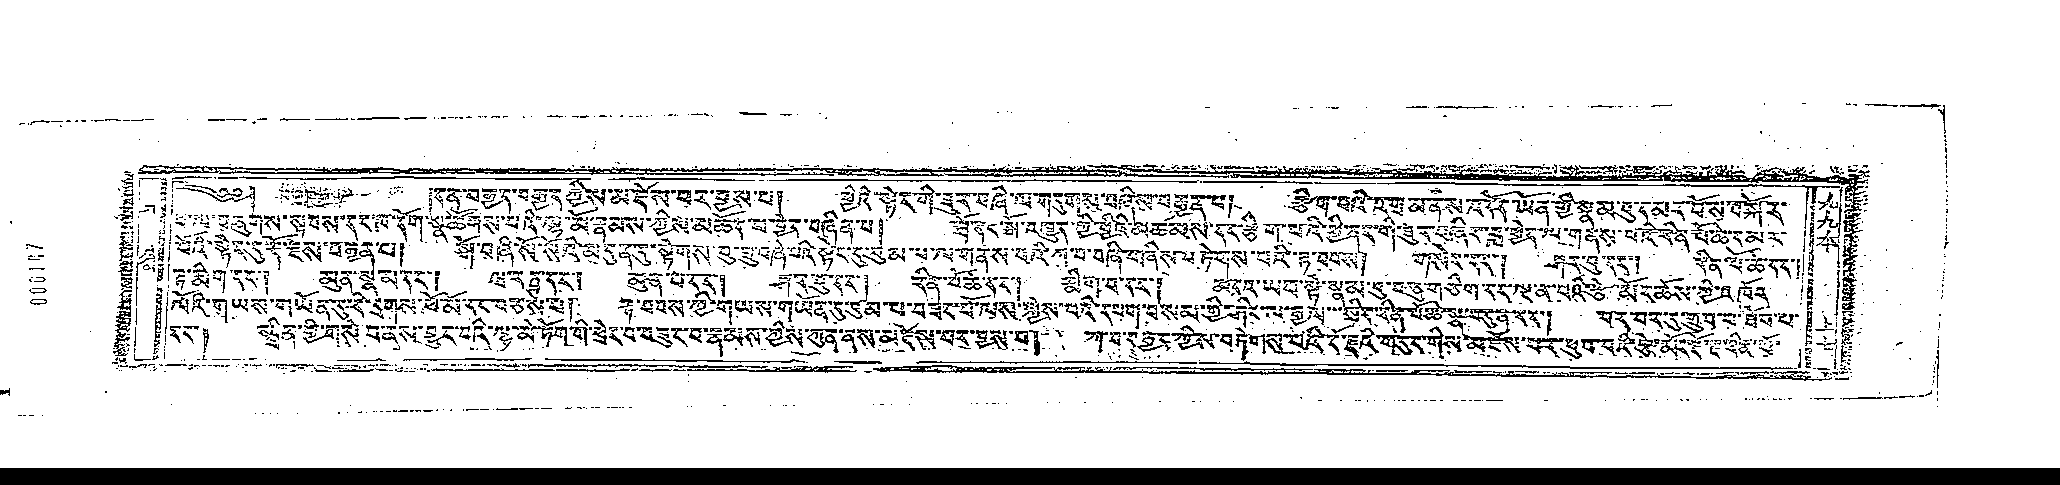༄༅། །ངན་བརྒྱད་བརྒྱད་ཀྱིས་མཛེས་པར་བྱས་པ། ཕྱིའི་སྟེང་གི་ཟུར་བཞི་ལ་གདུགས་བཞིས་བརྒྱན་པ། རྩིག་པའི་འགྲམ་ནས་འདོད་ཡོན་གྱི་སྣམ་བུ་དམར་པོས་བསྐོར་
བ་ལ་བཞུགས་སྟབས་དང་ཁ་དོག་སྣ་ཚོགས་པའི་ལྷ་མོ་རྣམས་ཀྱིས་མཆོད་པ་བྱེད་བཞིན་པ། སྒོ་དང་སྒོ་འཁྱུད་ཀྱི་ཕྱིའི་མཚམས་དང་རྩིག་པའི་ཕྱི་ནང་གི་ཟུར་བཞིར་ཟླ་ཕྱེད་ལ་གནས་པའི་རིན་པོ་ཆེ་དམར་
པོའི་སྟེང་དུ་རྡོ་རྗེས་བརྒྱན་པ། སྒོ་བཞི་སོ་སོའི་མདུན་དུ་སྟེགས་བུ་གྲུ་བཞི་པའི་སྟེང་དུ་བུམ་པ་ལ་གནས་པའི་ཀ་པ་བཞི་བཞིས་བཏེགས་པའི་རྟ་བབས། གསེར་དང་། ཤར་བུ་དང་། རིན་པོ་ཆེ་དང་།
རྟ་རྨིག་དང་། མུན་སྣམ་དང་། ཝ་ར་ཎྚ་དང་། མུན་པ་དང་། ཤར་བུ་དང་། རིན་པོ་ཆེ་དང་། རྨིག་པ་དང་། མངའ་ཡབ་སྟེ་སྣམ་དུ་བཅུ་གཅིག་དང་ལྡན་པའི་རྩེ་མོར་ཆོས་ཀྱི་འཁོར་
ཡོའི་ག་ལས་གཡོན་དུ་རི་དྭགས་ཕོ་མོ་དང་བཅས་པ། རྟ་བབས་ཀྱི་གཡས་གཡོན་དུ་བུམ་བ་བཟང་པོ་ལས་སྐྱེས་པའི་དབག་བསམ་གྱི་ཤིང་ལ་རྒྱལ་སྲིད་རིན་པོ་ཆེ་སྣ་བདུན་དང་། བར་པར་དུ་གྲུབ་པ་ཐོབ་པ་
དང་། སྤྲིན་གྱི་གསེ་བ་ནས་བྱུང་བའི་ལྷ་མེ་ཏོག་གི་ཕྲེང་བ་བཟུང་བ་རྣམས་ཀྱིས་ཀུན་ནས་མཛེས་པར་བྱས་པ། ཀ་བ་བརྒྱད་ཀྱིས་བཏགས་པའི་རྡོ་རྗེའི་གདུང་གིས་མཛེས་པར་ཕུབ་པའི་རྩེ་མོད་རྡོ་རྗེ་རིན་པོ་